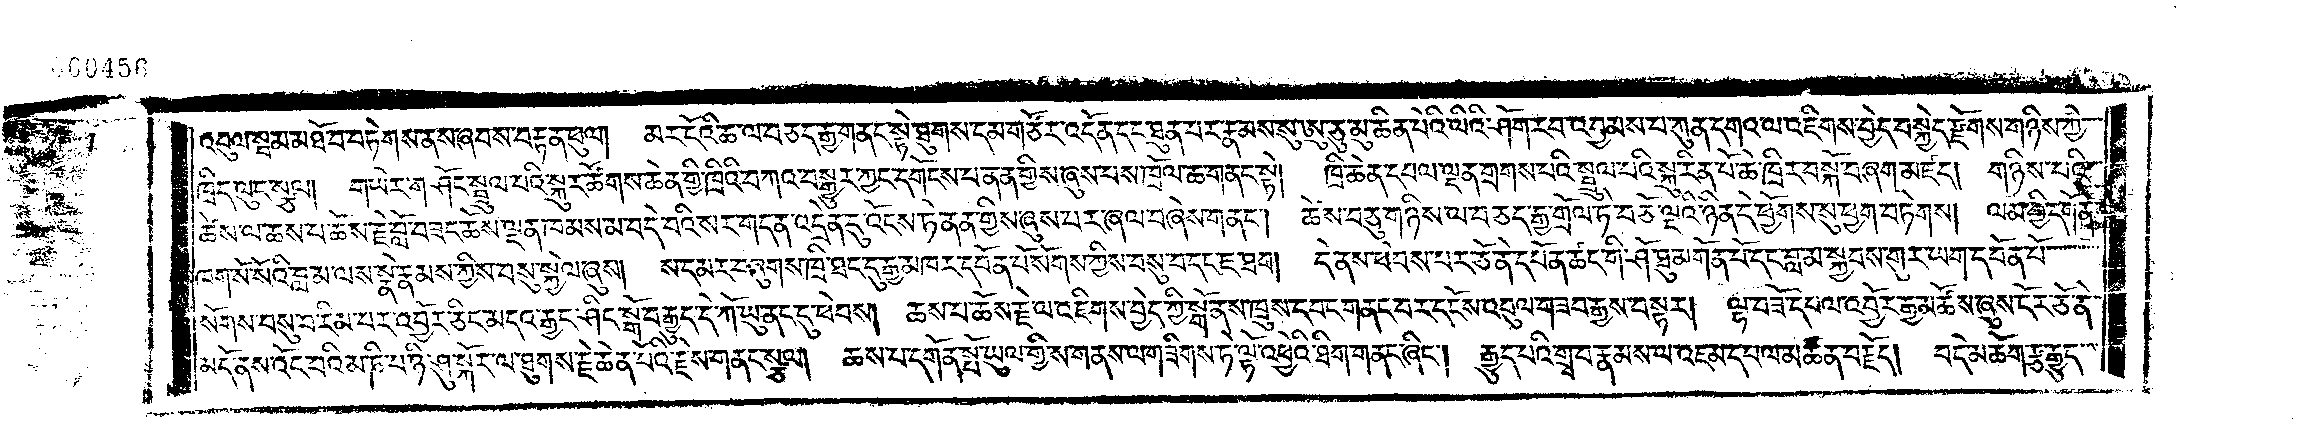འབུལ་སྦམ་མཐོ་བ་བཏེགས་ནས་ཞབས་བརྟན་ཕུལ། མར་ངོའི་ཆ་ལ་བཅད་རྒྱ་གནང་སྟེ་ཐུགས་དམ་གཙོར་འདོན་དང་ཐུན་པར་རྣམས་སུ་ཨུ་ཅུ་མུ་ཆིན་པེའི་ལིའི་ཤོག་རབ་འབྱམས་པ་ཀུན་དགའ་ལ་འཇིགས་བྱེད་བསྐྱེད་རྫོགས་གཉིས་ཀྱི་
ཁྲིད་ལུང་སྩལ། གཡེར་གཤོང་སྦྲུལ་པའི་སྐུར་ཚོགས་ཆེན་གྱི་ཁྲིའི་བཀའ་བསྒྱུར་ཀྱང་དགོངས་པ་ནན་གྱིས་ཞུས་པས་ཁྲོལ་ཆ་གནང་སྟེ། ཁྲི་ཆེན་དཔལ་ལྡན་གྲགས་པའི་སྤྲུལ་པའི་སྐུ་རིན་པོ་ཆེ་ཁྲིར་བསྐོ་བཞག་མཛད། གཉིས་པའི་
ཚེས་ལ་ཆས་པ་ཆོས་རྗེ་བློ་བཟང་ཆོས་ལྡན་ཁམས་མ་བདེ་བའི་སར་གདན་འདྲེན་དུ་འོངས་ཏེ་ནན་གྱིས་ཞུས་པར་ཞལ་པ་ཞེས་གནང་། ཚེས་བཅུ་གཉིས་ལ་བཅད་རྒྱ་གྲོལ་ཏེ་བཅོ་ལྔའི་ཉིན་དེ་ཕྱོགས་སུ་ཕྱག་བཏེགས། ལམ་གྱི་དགོན་
ཁག་སོ་སོའི་བླ་མ་ལས་སྣེ་རྣམས་ཀྱིས་བསུ་སྐྱེལ་ཞུས། ས་དམར་བཞུགས་ཁྲི་ཐང་དུ་རྒྱ་མཁར་དཔོན་པོ་སོགས་ཀྱིས་བསུ་བ་དང་ཇ་ཐབ། དེ་ནས་ཕེབས་པར་ཅོ་ནེ་དཔོན་ཚང་གི་ཤོ་ཐུ་མགོན་པོ་དང་བླ་མ་སྐྱབས་གུར་ཡག་དབོན་པོ་
སོགས་བསུ་བ་རིམ་པར་འབྱོར་ཅིང་མདའ་རྒྱང་ཤིང་སྒོ་བརྒྱུད་དེ་ཀོ་ཡུ་ནང་དུ་ཕེབས། ཆས་པ་ཆོས་རྗེ་ལ་འཇིགས་བྱེད་ཀྱི་སྒོ་ནས་ཁྲུས་དབང་གནང་བར་དངོས་འབུལ་གཟབ་རྒྱས་བསྟར། ལྷ་བཟོ་དཔལ་འབྱོར་རྒྱ་མཚོས་ཞུས་དོར་ཅོ་ནེ་
མདོ་ནས་འོང་བའི་མ་ཎི་པ་ཉི་ཤུ་སྐོར་ལ་ཐུགས་རྗེ་ཆེན་པོའི་རྗེས་གནང་སྩལ། ཆས་པ་དགོན་སྤོ་ཡུལ་གྱིས་གནས་ལ་གཟིགས་ཏེ་ལྟོ་འཕྱེའི་ཐིག་གནང་ཞིང་། རྒྱུད་པའི་གྲྭ་བ་རྣམས་ལ་འཇམ་དཔལ་མཚན་བརྗོད། བདེ་མཆོག་རྩ་རྒྱུད་